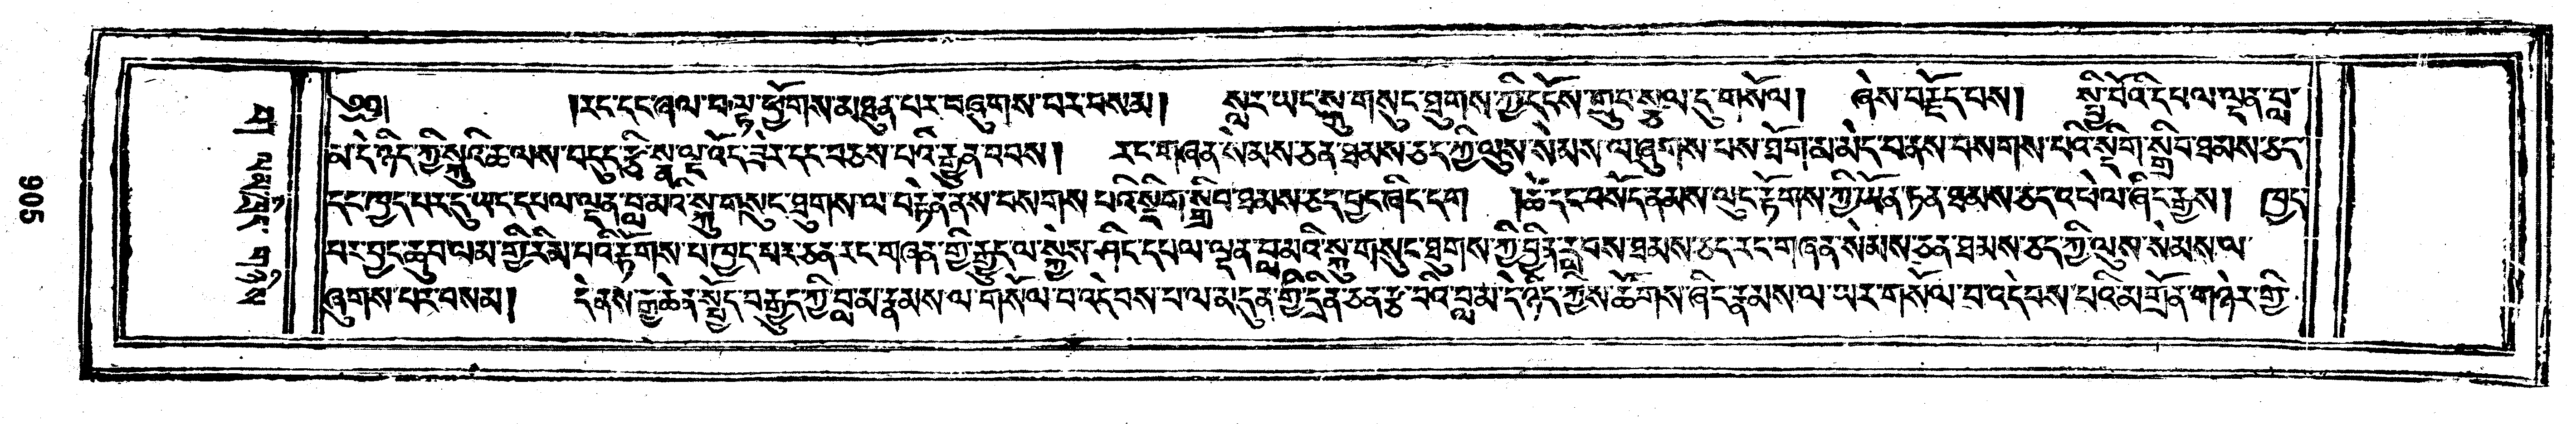༄༅། །རང་དང་ཞལ་བལྟ་ཕྱོགས་མཐུན་པར་བཞུགས་པར་བསམ། སླར་ཡང་སྐུ་གསུང་ཐུགས་ཀྱི་དངོས་གྲུབ་རྩལ་དུ་གསོལ། ཞེས་བརྗོད་པས། སྤྱི་བོའི་དཔལ་ལྡན་བླ་
མ་དེ་ཉིད་ཀྱི་སྐུའི་ཆ་ལས་བདུད་རྩི་སྣ་ལྔ་འོད་ཟེར་དང་བཅས་པའི་རྒྱུན་བབས། རང་གཞན་སེམས་ཅན་ཐམས་ཅད་ཀྱི་ལུས་སེམས་ལ་ཞུགས་པས་ཐོག་མ་མེད་པ་ནས་བསགས་པའི་སྡིག་སྒྲིབ་ཐམས་ཅད་
དང་ཁྱད་པར་དུ་ཡང་དཔལ་ལྡན་བླ་མའི་སྐུ་གསུང་ཐུགས་ལ་བརྟེན་ནས་བསགས་པའི་སྡིག་སྒྲིབ་ཐམས་ཅད་བྱང་ཞིང་དག །ཚེ་དང་བསོད་ནམས་ལུང་རྟོགས་ཀྱི་ཡོན་ཏན་ཐམས་ཅད་འཕེལ་ཞིང་རྒྱས། ཁྱད་
པར་བྱང་ཆུབ་ལམ་གྱི་རིམ་པའི་རྟོགས་པ་ཁྱད་པར་ཅན་རང་གཞན་གྱི་རྒྱུད་ལ་སྐྱེས་ཤིང་དཔལ་ལྡན་བླ་མའི་སྐུ་གསུང་ཐུགས་ཀྱི་བྱིན་རླབས་ཐམས་ཅད་རང་གཞན་སེམས་ཅན་ཐམས་ཅད་ཀྱི་ལུས་སེམས་ལ་
ཞུགས་པར་བསམ། དེ་ནས་རྒྱ་ཆེན་སྤྱོད་བརྒྱུད་ཀྱི་བླ་མ་རྣམས་ལ་གསོལ་བ་འདེབས་པ་ལ་མདུན་གྱི་དྲིན་ཅན་རྩ་བའི་བླ་མ་དེ་ཉིད་ཀྱིས་ཚོགས་ཞིང་རྣམས་ལ་ཡར་གསོལ་བ་འདེབས་པའི་མགྲོན་གཉེར་གྱི་